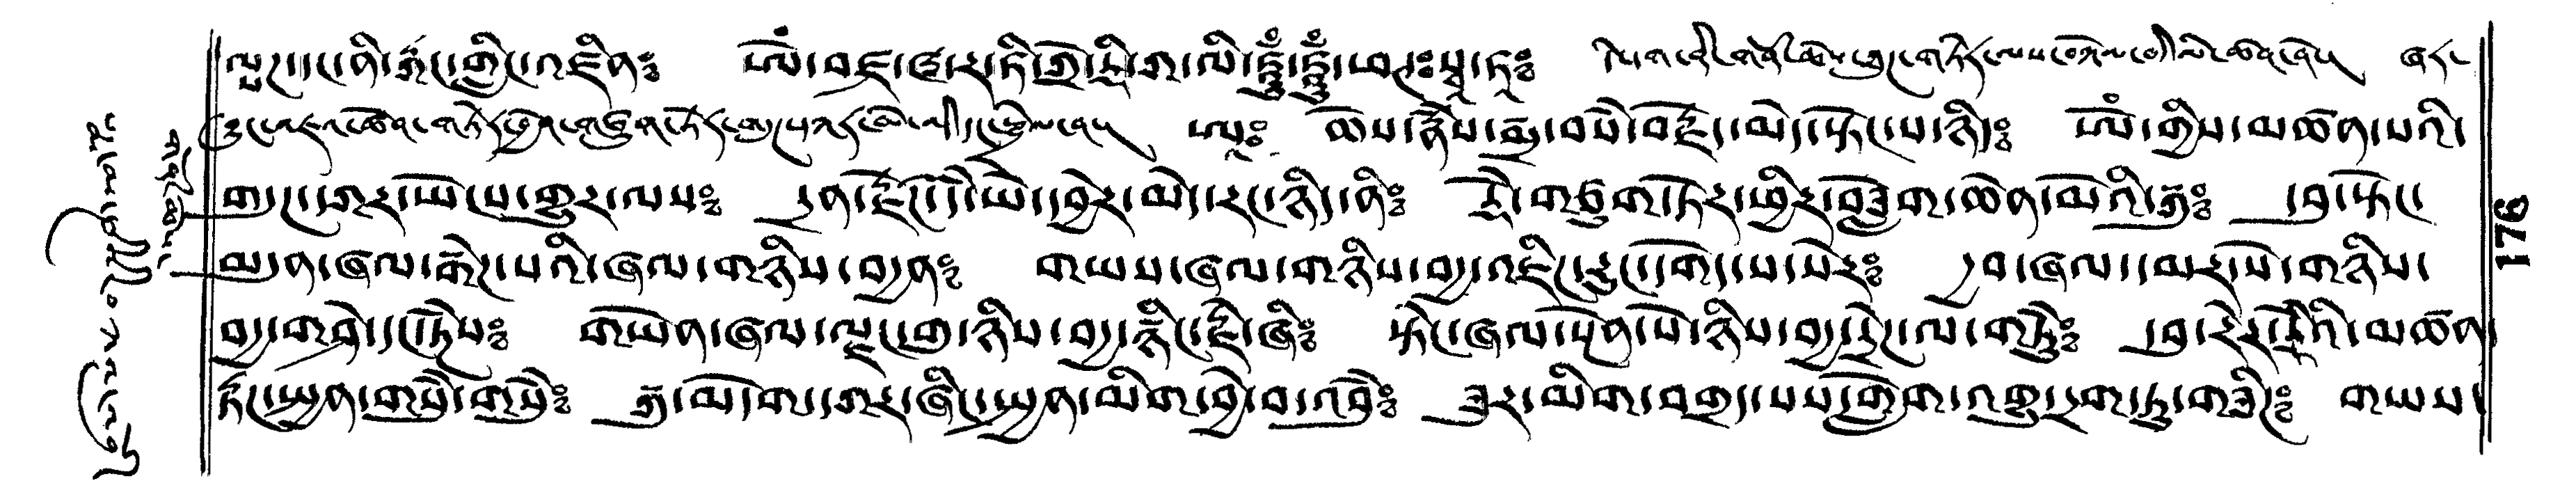ལྤགས་དང་ནི་རྐང་གླིང་འཛིན༔ ཨོཾ་བཛྲ་ཝ་ར་ཧི་ཀྲོ་དྷི་ཀ་ལི་ཧཱུྃ་ཧཱུྃ་ཕཊ་སྭ་ཧཱ༔ དེ་དག་ནི་གནམ་ཆོས་ཐུགས་གཏེར་ལས་བཀོལ་བའི་ལེ་ཚན་ནོ། ཞར་
བྱུང་འཇའ་ཚོན་གཏེར་བྱོན་གཙུག་ཏོར་གདུགས་དཀར་མོ་འདི་དང་སྦྲེལ་ན། ཨཱཿ ཆོས་རྣམས་སྨྲ་བསམ་བརྗོད་མེད་སྟོང་པ་ཉིད༔ ཨོཾ་གྱིས་མཚན་པའི་
གདུགས་དཀར་ཡོངས་གྱུར་ལས༔ དྲན་རྫོགས་དམ་ཡེ་དབྱེར་མེད་རང་ཉིད་ནི༔ རྡོ་རྗེ་གཙུག་ཏོར་ཕྱིར་བཟློག་ཆེན་མོའི་སྐུ༔ དབུ་སྟོང་
མདུན་ཞལ་སྒེག་པའི་ཞལ་ཉིས་བརྒྱ༔ གཡས་ཞལ་ཉིས་བརྒྱ་འཇིགས་རུང་དགོད་པ་སེར༔ རྒྱབ་ཞལ་དམར་པོ་ཉིས་
བརྒྱ་གཤེ་དང་རྔམས༔ གཡོན་ཞལ་ལྗང་གུ་ཉིས་བརྒྱ་སྙིང་རྗེ་ཞི༔ སྟེང་ཞལ་སྔོན་པོ་ཉིས་བརྒྱ་དྲེགས་ལ་གཏུམ༔ དབུ་རེར་རྡོ་རྗེའི་མཚན་
རྟགས་སྤྱན་གསུམ་གསུམ༔ སྐུ་མདོག་དཀར་ཞིང་སྤྱན་མིག་བྱེ་བ་འབུམ༔ ཟུར་མིག་བགྲད་པས་གློག་འགྱུ་དྲག་ཏུ་གཟིགས༔ གཡས་